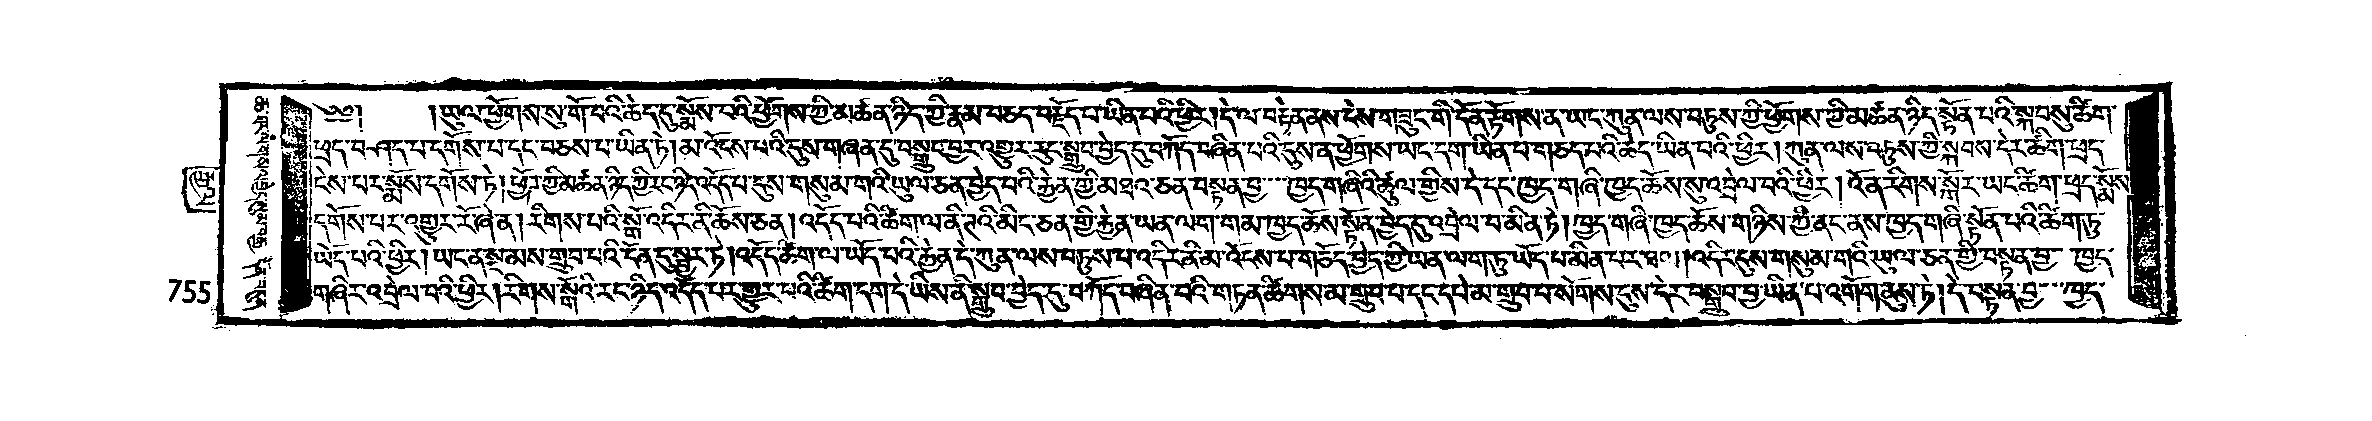༄༅། །ཡུལ་ཕྱོགས་སུ་གོ་བའི་ཆེད་དུ་སྨོས་པའི་ཕྱོགས་ཀྱི་མཚན་ཉིད་ཀྱི་རྣམ་བཅད་བརྗོད་པ་ཡིན་པའི་ཕྱིར། དེ་ལ་བརྟེན་ནས་ངེས་གཟུང་གི་དོན་རྟོགས་ན་ཡང་ཀུན་ལས་བཏུས་ཀྱི་ཕྱོགས་ཀྱི་མཚན་ཉིད་སྟོན་པའི་སྐབས་སུ་ཚིག་
ཕྲད་བཤད་པ་དགོས་པ་དང་བཅས་པ་ཡིན་ཏེ། མ་འོངས་པའི་དུས་གཞན་དུ་བསྒྲུབ་བྱར་འགྱུར་རུང་སྒྲུབ་བྱེད་དུ་བཀོད་བཞིན་པའི་དུས་ན་ཕྱོགས་ཡང་དག་ཡིན་པ་གཅད་པའི་ཆེད་ཡིན་པའི་ཕྱིར། ཀུན་ལས་བཏུས་ཀྱི་སྐབས་དེར་ཚིག་ཕྲད་
ངེས་པར་སྨོས་དགོས་ཏེ། ཕྱོཌ་ཀྱི་མཚན་ཉིད་ཀྱི་རང་ཉིད་འདོད་པ་དུས་གསུམ་གའི་ཡུལ་ཅན་བྱེད་པའི་རྐྱེན་གྱི་མཐའ་ཅན་བསྟན་བྱ་ཁྱད་གཞིའི་ཚུལ་གྱིས་དེ་དང་ཁྱད་གཞི་ཁྱད་ཆོས་སུ་འབྲེལ་བའི་ཕྱིར། འོ་ན་རིགས་སྒོར་ཡང་ཚིག་ཕྲད་སྨོས་
དགོས་པར་འགྱུར་རོ་ཞེ་ན། རིགས་པའི་སྒོ་འདིར་ནི་ཆོས་ཅན། འདོད་པའི་ཚིག་ལ་ཊའི་མིང་ཅན་གྱི་རྐྱེན་ཡན་ལག་གམ་ཁྱད་ཆོས་སྟོན་བྱེད་དུ་འབྲེལ་བ་མིན་ཏོ། ཁྱད་གཞི་ཁྱད་ཆོས་གཉིས་ཀྱི་ནང་ནས་ཁྱད་གཞི་སྟོན་པའི་ཚིག་ཏུ་
ཡོད་པའི་ཕྱིར། ཡང་ན་སྔ་མས་གྲུབ་པའི་དོན་དུ་སྦྱར་ཏེ། འདོད་ཚིག་ལ་ཡོད་པའི་རྐྱེན་དེ་ཀུན་ལས་བཏུས་པ་འདིར་ནི་མ་འོངས་པ་གཅོད་བྱེད་ཀྱི་ཡང་ལག་ཏུ་ཡོད་པ་མིན་པར་ཐལ། འདིར་དུས་གསུམ་གའི་ཡུལ་ཅན་གྱི་བསྟན་བྱ་ཁྱད་
གཞིར་འབྲེལ་བའི་ཕྱིར། རིགས་སྒོའི་རང་ཉིད་འདོད་པར་གྱུར་པའི་ཚིག་དག་དེ་ཡིས་ནི་སྒྲུབ་བྱེད་དུ་བཀོད་བཞིན་པའི་གཏན་ཚིགས་མ་གྲུབ་པ་དང་དཔེ་མ་གྲུབ་པ་སོགས་དུས་དེར་བསྒྲུབ་བྱ་ཡིན་པ་འགོག་ནུས་ཏེ། དེ་བསྟན་བྱ་ཁྱད་